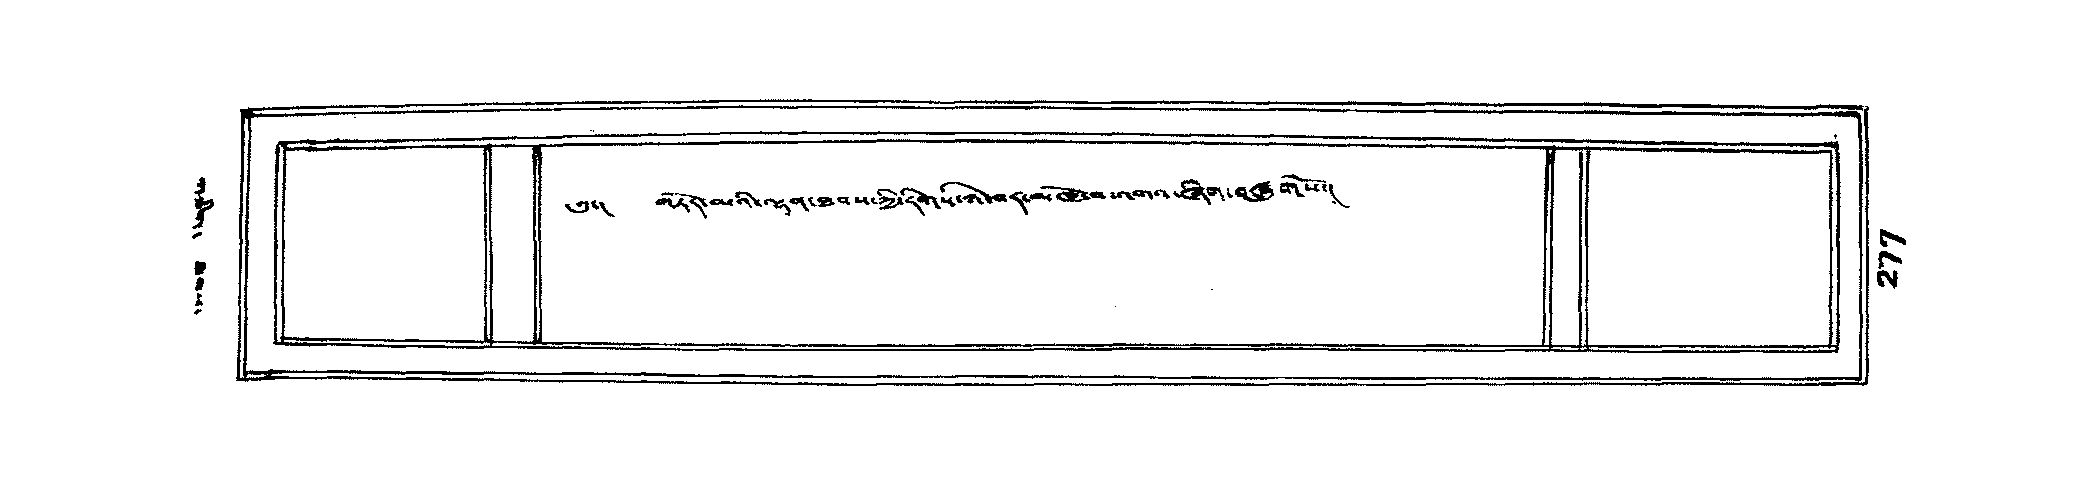༄༅། གཏོར་མའི་ལྷན་ཐབས་ཀྱི་རིགས་ཉེ་བར་འཁོ་བ་འགའ་ཞིག་བཞུགས་སོ།